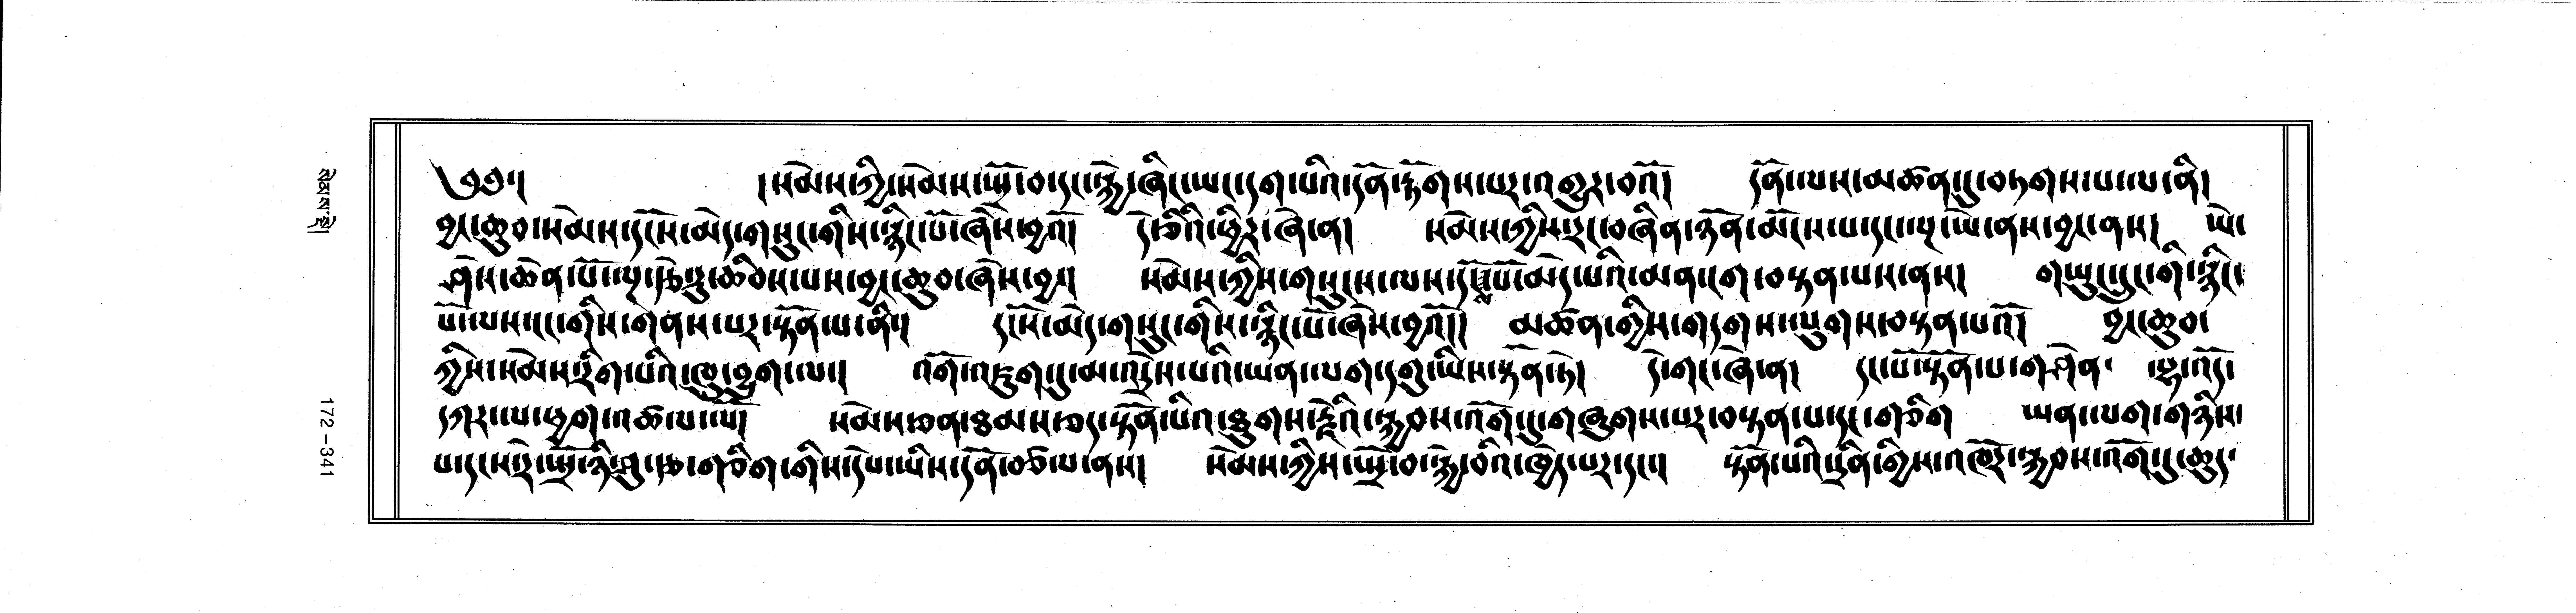སེམས་ཀྱི་སེམས་སྤྲོ་བ་དང་སྐྱེ་ཞིང་ཡང་དག་པའི་དོན་རྟོགས་པར་འགྱུར་བའོ། དོན་ལས་མཚན་དུ་བཏགས་པ་ལ་ནི། 
བྱང་ཆུབ་སེམས་དངོས་མེད་གསུང་གིས་སྙིང་པོ་ཞེས་བྱའོ། དེ་ཅིའི་ཕྱིར་ཞེ་ན། སེམས་ཀྱིས་རང་བཞིན་ཉོན་མོངས་པ་དང་ལྔ་ཡེ་ནས་བྱང་ནས། ཡེ་
ཤེས་ཆེན་པོ་ལྔ་རྩེ་རུ་ཆིབས་པས་བྱང་ཆུབ་ཞེས་བྱ། སེམས་ཀྱིས་གསུངས་ལས་དངོས་པོ་མེད་པའི་མན་ངག་བསྟན་པས་ནས། གཡུང་དྲུང་གི་སྙིང་
པོ་ལས་ངང་གིས་གནས་པར་སྟོན་པ་ནི། དངོས་མེད་གསུང་གིས་སྙིང་པོ་ཞེས་བྱའོ། མཚན་གྱིས་བདག་ལུགས་བསྟན་པའོ། བྱང་ཆུབ་
ཀྱིས་སེམས་རིག་པའི་ཁུ་བྱུག་ལ། འོག་འཇུག་དུ་མ་འདྲེས་པའི་ཡན་ལག་དགུ་ཡིས་སྟོན་ཏེ། དེ་གང་ཞེ་ན། དང་པོ་སྟོན་པ་གཤེན་ལྷ་འོད་
དཀར་ལ་ཕྱག་འཚལ་ལོ། སེམས་ཅན་ཐམས་ཅད་སྟོན་པའི་ཐུགས་རྗེའི་སྐྱབས་འོག་དུ་གཞུགས་པར་བསྟན་པ་དང་གཅིག ཡན་ལག་གཉིས་
པ་དང་རེ་སྤྲོ་ཉི་ཤུ་རྩ་གཅིག་གིས་དཔེ་ཡིས་དོན་བཙལ་ནས། སེམས་ཀྱིས་སྤྲོ་བ་སྐྱེ་བའི་ཁྱེད་པར་དང་། སྟོན་པའི་དྲིན་གྱིས་འཁོར་སྐྱབས་འོག་དུ་ཚུད་